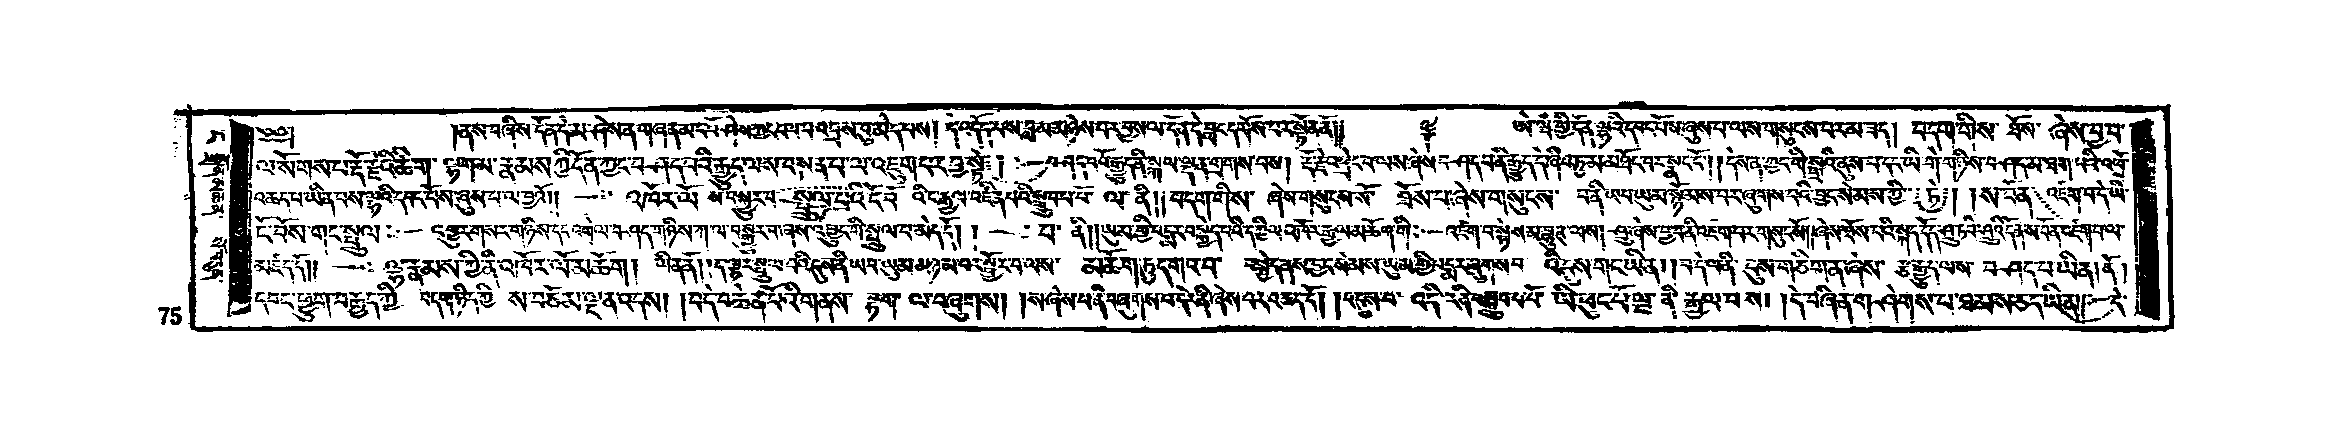༄༅། །ནས་བཞིས་དོན་དེ་མ་ཤེས་ན་གཞན་མང་པོ་ཤས་ཀྱང་ངལ་བ་འབྲས་བུ་མེད་པས། དེ་འདོད་པས་བླ་མ་མཉེས་བར་བྱས་ལ་དོན་དེ་བླ་དགོས་པར་སྟོན་ནོ།། ༈ ཨེ་ཝཾ་ཀྱི་དོན་ལྷའི་དབང་པོས་ཞུས་པ་ལས་གསུངས་པར་མ་ཟད། བདག་གིས་ཐོས་ཞེས་བྱ་བ་
ལ་སོགས་པ་རྡོ་རྗེའི་ཚིག་ལྷག་མ་རྣམས་ཀྱི་དོན་ཀྱང་བཤད་པའི་རྒྱུད་ལས་བསྟན་པ་ལ་འཇུག་པར་བྱ་སྟེ།H.བཤད་པའི་རྒྱུད་ནི་སྐ་ལྡན་གྲགས་པས། རྡོ་རྗེ་འཕྲེང་བ་ལས་ཞེས་བཤད་པ་ན་རྒྱུད་དེ་ཞིབ་ཏུ་མ་མཐོང་བར་སྣང་ངོ། །དེས་ན་ཀྱང་གི་སྒྲའི་ནུས་པ་དང་ཡི་གེ་གཉིས་བཤད་མ་ཐག་པའི་འཕྲོ་
འཆད་པ་ཡིན་པས་ལྷའི་དབང་པོས་ཞུས་པ་ལ་བྱའོ།། ?་འཁོར་ལོ་ས་བསྒྱུར་བ་སྤྲུལ་པའི་ངོ་བོ་འདི་རྒྱལ་འཛིན་པའི་སྒྲུབ་པ་པོ་ལ་ནི། །བདག་གས་ཞེས་གསུངས་སོ་ཐོས་པ་ཞེ་གསུངས་པ་ནི་ཡང་ཡུམ་སྙོམས་པར་ཞུགས་པའི་བྱང་སེམས་ཀྱི་ཏེ། །ས་བོན་འཇིག་པ་དེ་ཡི་
ངོ་བོས་གང་སྤྲུལཿའགྱུར་གསར་གཉིས་དང་འགྲེལ་བཤད་གཉིས་པ་ལ་སྒྱུར་བ་ཞས་འབྱུང་གི་སྤྲུལ་བ་མེད་དོ། .H བ་ནི་།སུམ་གྱི་པདམར་བསྐྱེད་པའི་དཀྱིལ་འཁོར་རྒྱལ་མཆོག་གིཿའཇིག་པ་སྟེ་སམ་བྷཡཊ་ལས། ཤུར་ཞེས་བྱ་བ་ནི་འཇིག་པར་གསུངས་སོ། །ཞེས་ཐོས་པའི་སད་དོད་ཤྲུའི་དོན་ས་བོན་འཇིག་པ་ལ་
མཛད་དོ།།.Hལྷ་རྣམས་ཀྱི་ནི་འཁོར་ལོ་མཆོག །ཡིན་ནོ། །དེ་ལྟར་སྤྲུལ་པའི་དུས་ནི་ཡབ་ཡུམ་མཉམ་པར་སྦྱོར་བ་ལས་མཆོག་ཏུ་དགའ་བ་བསྐྱེད་ནས་བྱང་སེམས་ཡུམ་གྱི་པདམར་ཞུགས་པའི་དུས་གང་ཡིན། །བདེ་བ་ནི། དུས་གཅིག་ན་ཞེས་རྩ་རྒྱུད་ལས་བཤད་པ་ཡིན། ནོ།
དབང་ཕྱུག་བརྒྱད་ཀྱི་ས་བཅོམ་ལྡན་འདས། །བདེ་བ་ཆེན་པོའི་གནས་ལྷག་ལ་བཞུགས། །ས་ཞེས་པ་ནི་བཞུགས་པ་དེར་ནི་ཞས་པར་འཆད་དོ། །འདུས་པ་འདིར་ནི་བསྒྲུབ་པ་པོ་ཡི་ཕུང་པོ་ལྔ་ནི་རྒྱལ་བས། །དེ་བཞིན་གཤེགས་པ་ཐམས་ཅད་ཡིན།།H.དེ་